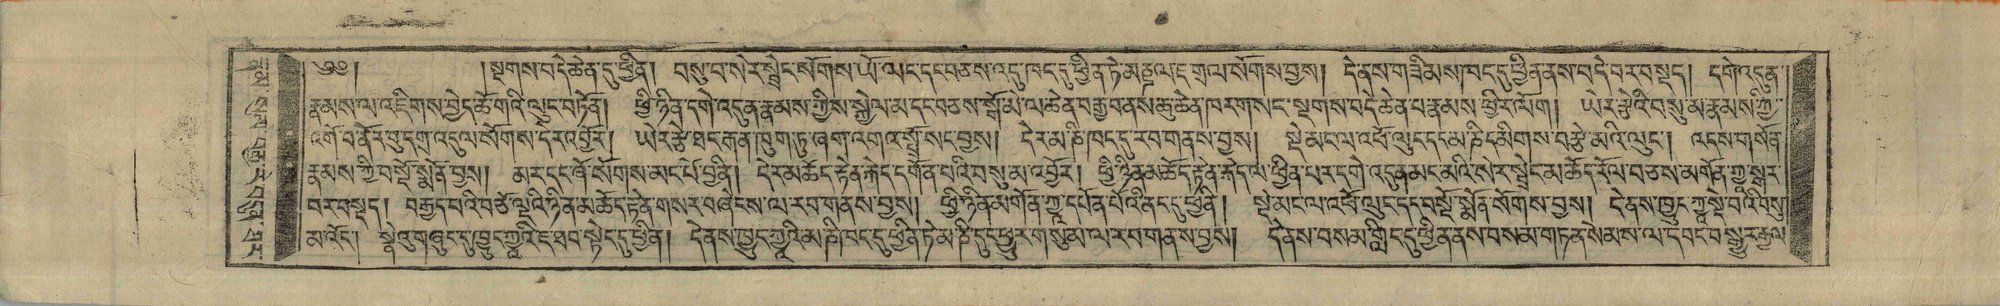༄༅། །སྔགས་བདེ་ཆེན་དུ་ཕྱིན། བསུ་བ་སེར་སྦྲེང་སོགས་ཡོ་ལང་དང་བཅས་འདུ་ཁང་དུ་ཕྱིན་ཏེ་མཎྜལ་ཇ་གྲལ་སོགས་བྱས། དེ་ནས་གཟིམས་ཁང་དུ་ཕྱིན་ནས་བདེ་བར་བསྡད། དགེ་འདུན་
རྣམས་ལ་འཇིགས་བྱེད་ཆོ་གའི་ལུང་བཏོན། ཕྱི་ཉིན་དགེ་འདུན་རྣམས་ཀྱིས་སྐྱེལ་མ་དང་བཅས་སྒོ་མེ་ལ་ཆེན་བརྒྱབ་ནས་ཆུ་ཆེན་ཁར་གསང་སྔགས་བདེ་ཆེན་པ་རྣམས་ཕྱིར་ལོག །ཡེར་རྩེའི་བསུ་མ་རྣམས་ཀྱི་
འགོ་བ་ནོར་བུ་དགྲ་འདུལ་སོགས་དེར་འབྱོར། ཡེར་རྩེ་ཐང་རྒན་ཁུག་ཏུ་ཞག་འགའ་སྤྲོ་སང་བྱས། དེར་མ་ཎི་ཁང་དུ་རབ་གནས་བྱས། སྡེ་མང་ལ་འཕོ་ལུང་དང་མ་ཎི་དམིགས་བརྩེ་མའི་ལུང་། འདས་གསོན་
རྣམས་ཀྱི་བསྔོ་སྨོན་བྱས། མར་དང་ཞོ་སོགས་མང་པོ་བྱིན། དེར་མཆོད་རྟེན་རྐེད་དགོན་པའི་བསུ་མ་འབྱོར། ཕྱི་ཉིན་མཆོད་རྟེན་རྐེད་ལ་ཕྱིན་པར་དགེ་འདུན་མང་མའི་སེར་སྦྲེང་མཆོད་རོལ་བཅས་མགོན་ཀྱཱ་སྒར་
བར་བསྡད། བརྒྱད་པའི་བཅོ་ལྔའི་ཉིན་མཆོད་རྟེན་གསར་བཞེངས་ལ་རབ་གནས་བྱས། ཕྱི་ཉིན་མགོན་ཀྱཱ་དཔོན་པོའི་ནང་དུ་ཕྱིན། སྡེ་མང་ལ་འཕོ་ལུང་དང་བསྔོ་སྨོན་སོགས་བྱས། དེ་ནས་ཁྱུད་ཀྱཱ་སྡེ་བའི་བསུ་
མ་འོང་། སྣེའུ་གཞུང་དུ་ཁྱུད་ཀྱཱའི་ཇ་ཐབ་སྟེང་དུ་ཕྱིན། དེ་ནས་ཁྱུད་ཀྱཱའི་མ་ཎི་ཁང་དུ་ཕྱིན་ཏེ་མ་ཎི་དུང་ཕྱུར་གསུམ་ལ་རབ་གནས་བྱས། དེ་ནས་བསམ་གླིང་དུ་ཕྱིན་ནས་བསམ་གཏན་སེམས་ལ་དབང་བསྒྱུར་རྒྱལ་